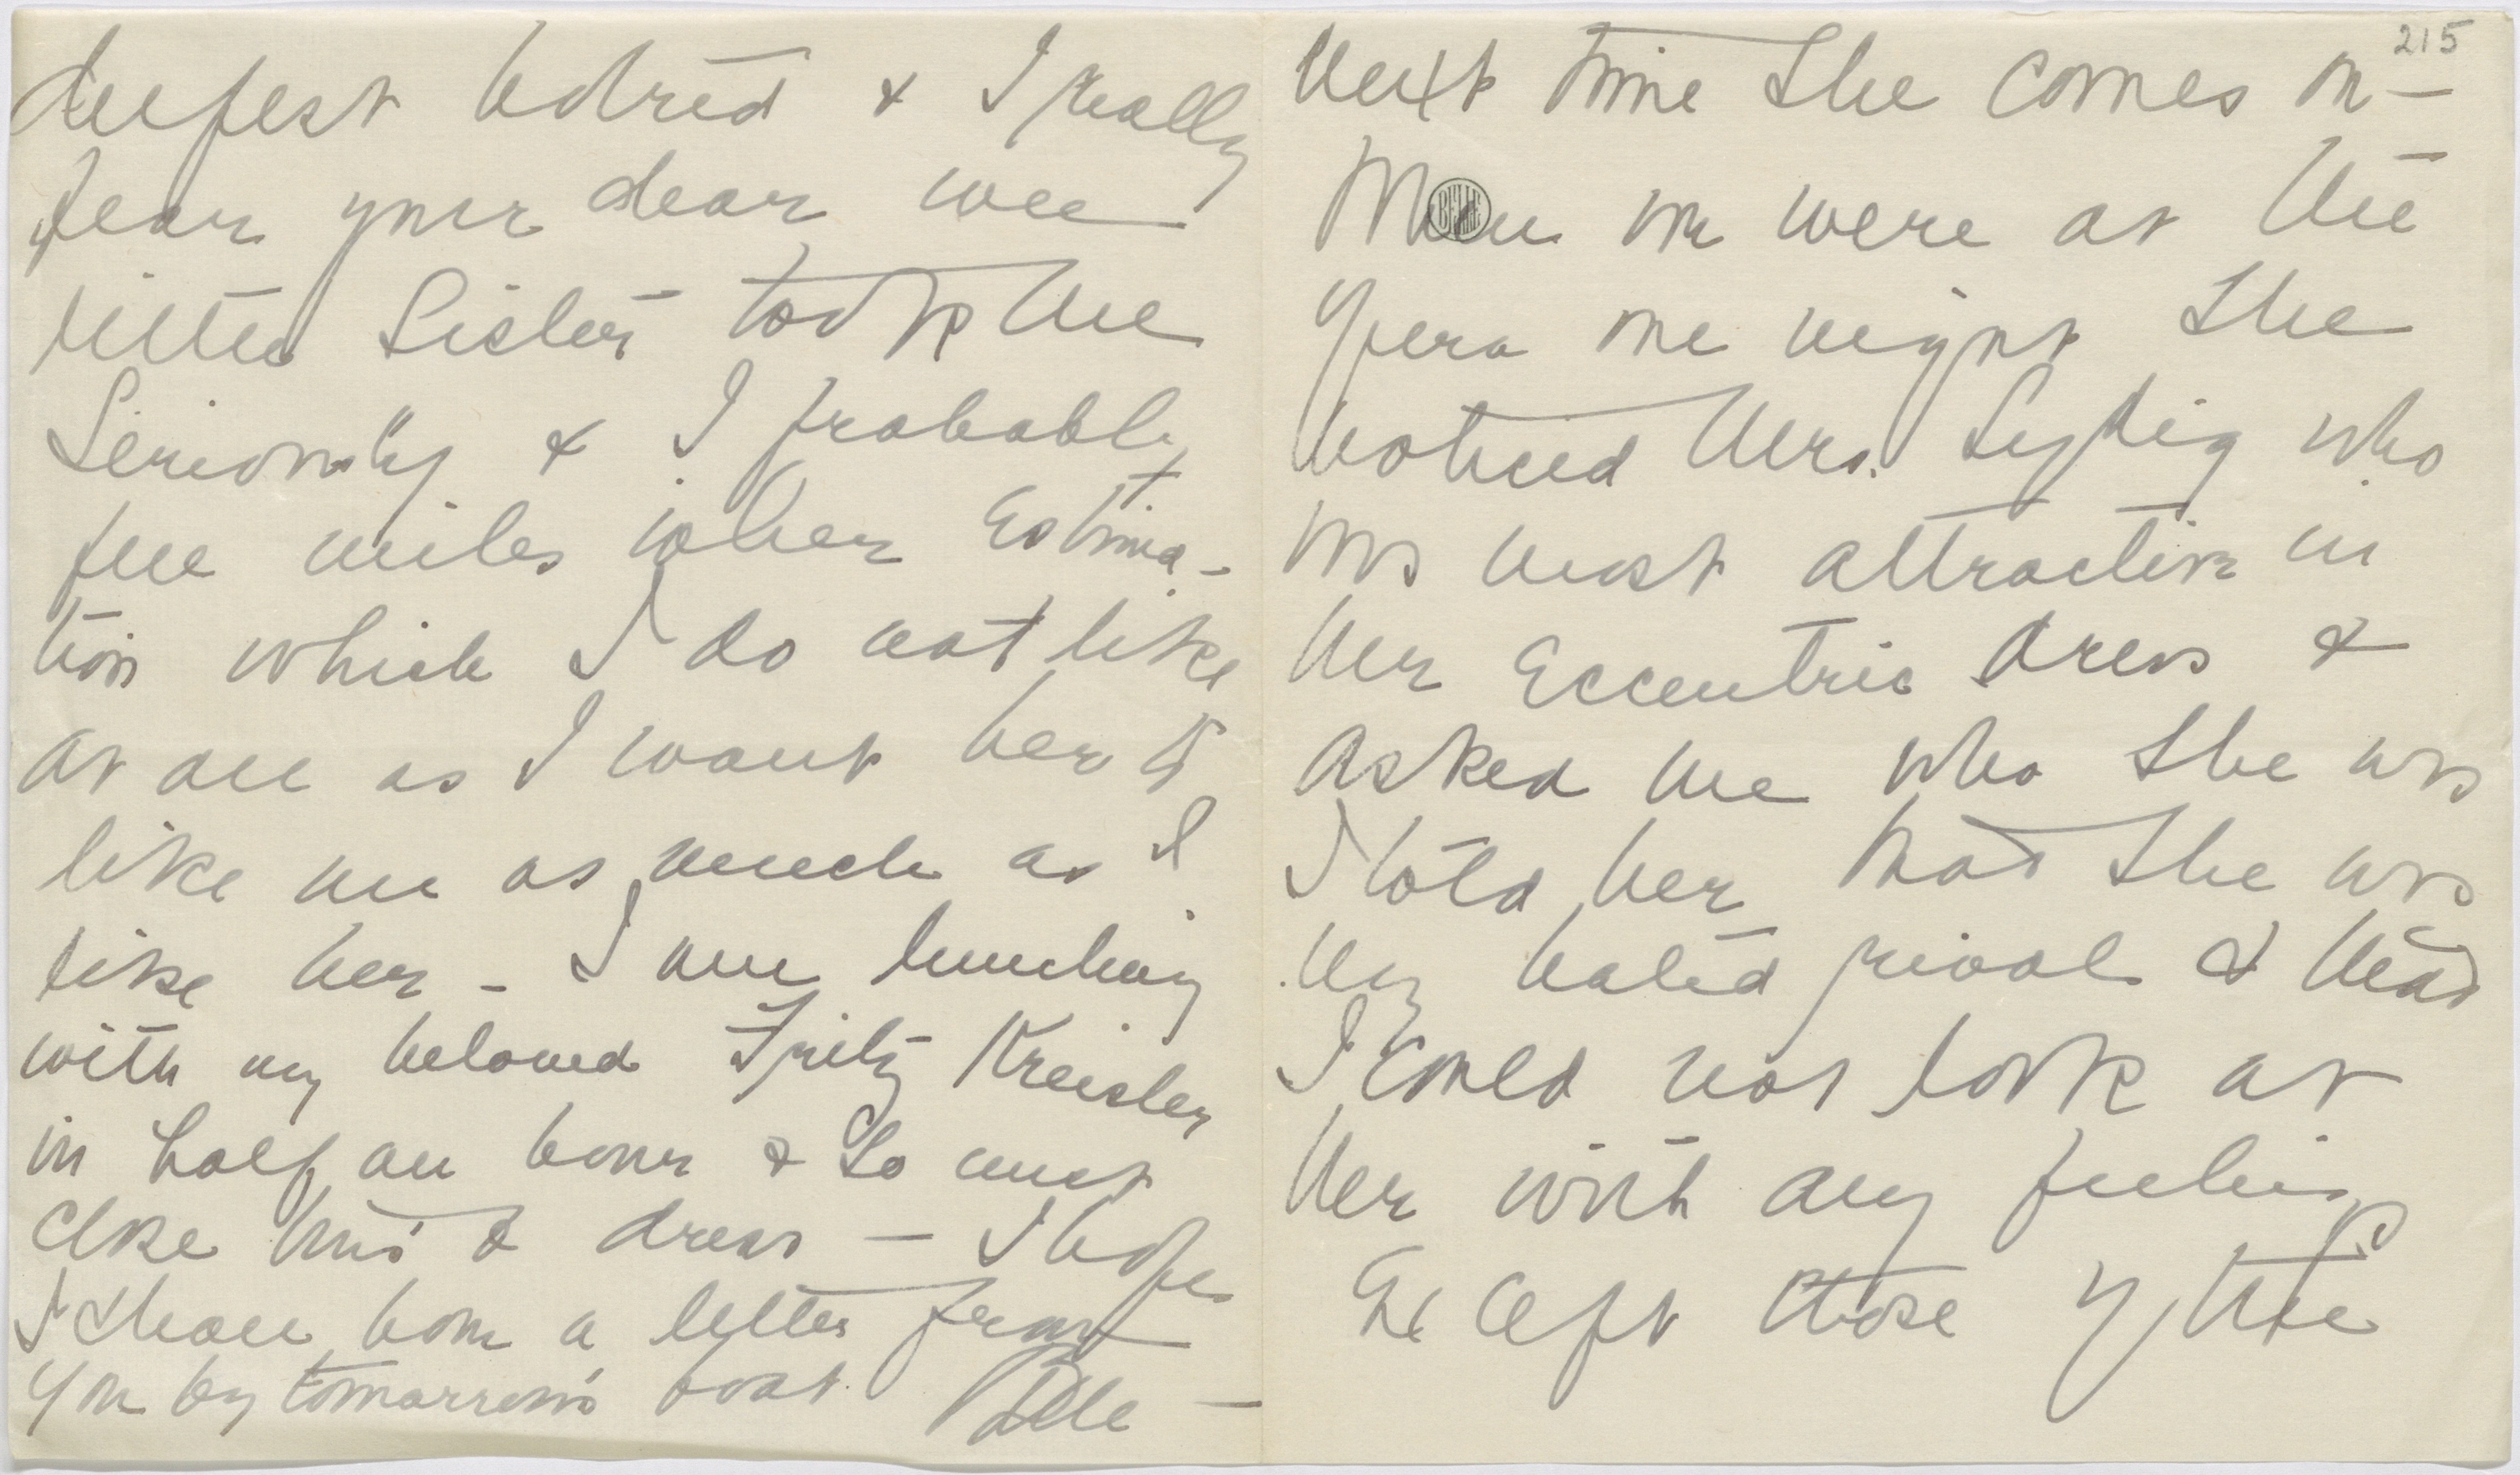next time she comes on – When we were at the opera one night she noticed Mrs. Lydig who was most attractive in her eccentric dress & asked me who she was I told her that she was my hated rival & that I could not look at her with any feelings except those of the
deepest hatred & I really fear your dear wee little sister took me seriously & I probably fell miles in her estimation which I do not like at all as I want her to like me as much as I like her – I am lunching with my beloved Fritz Kreisler in half an hour & so must close this & dress – I hope I shall have a letter from you by tomorrow’s boat
Belle –